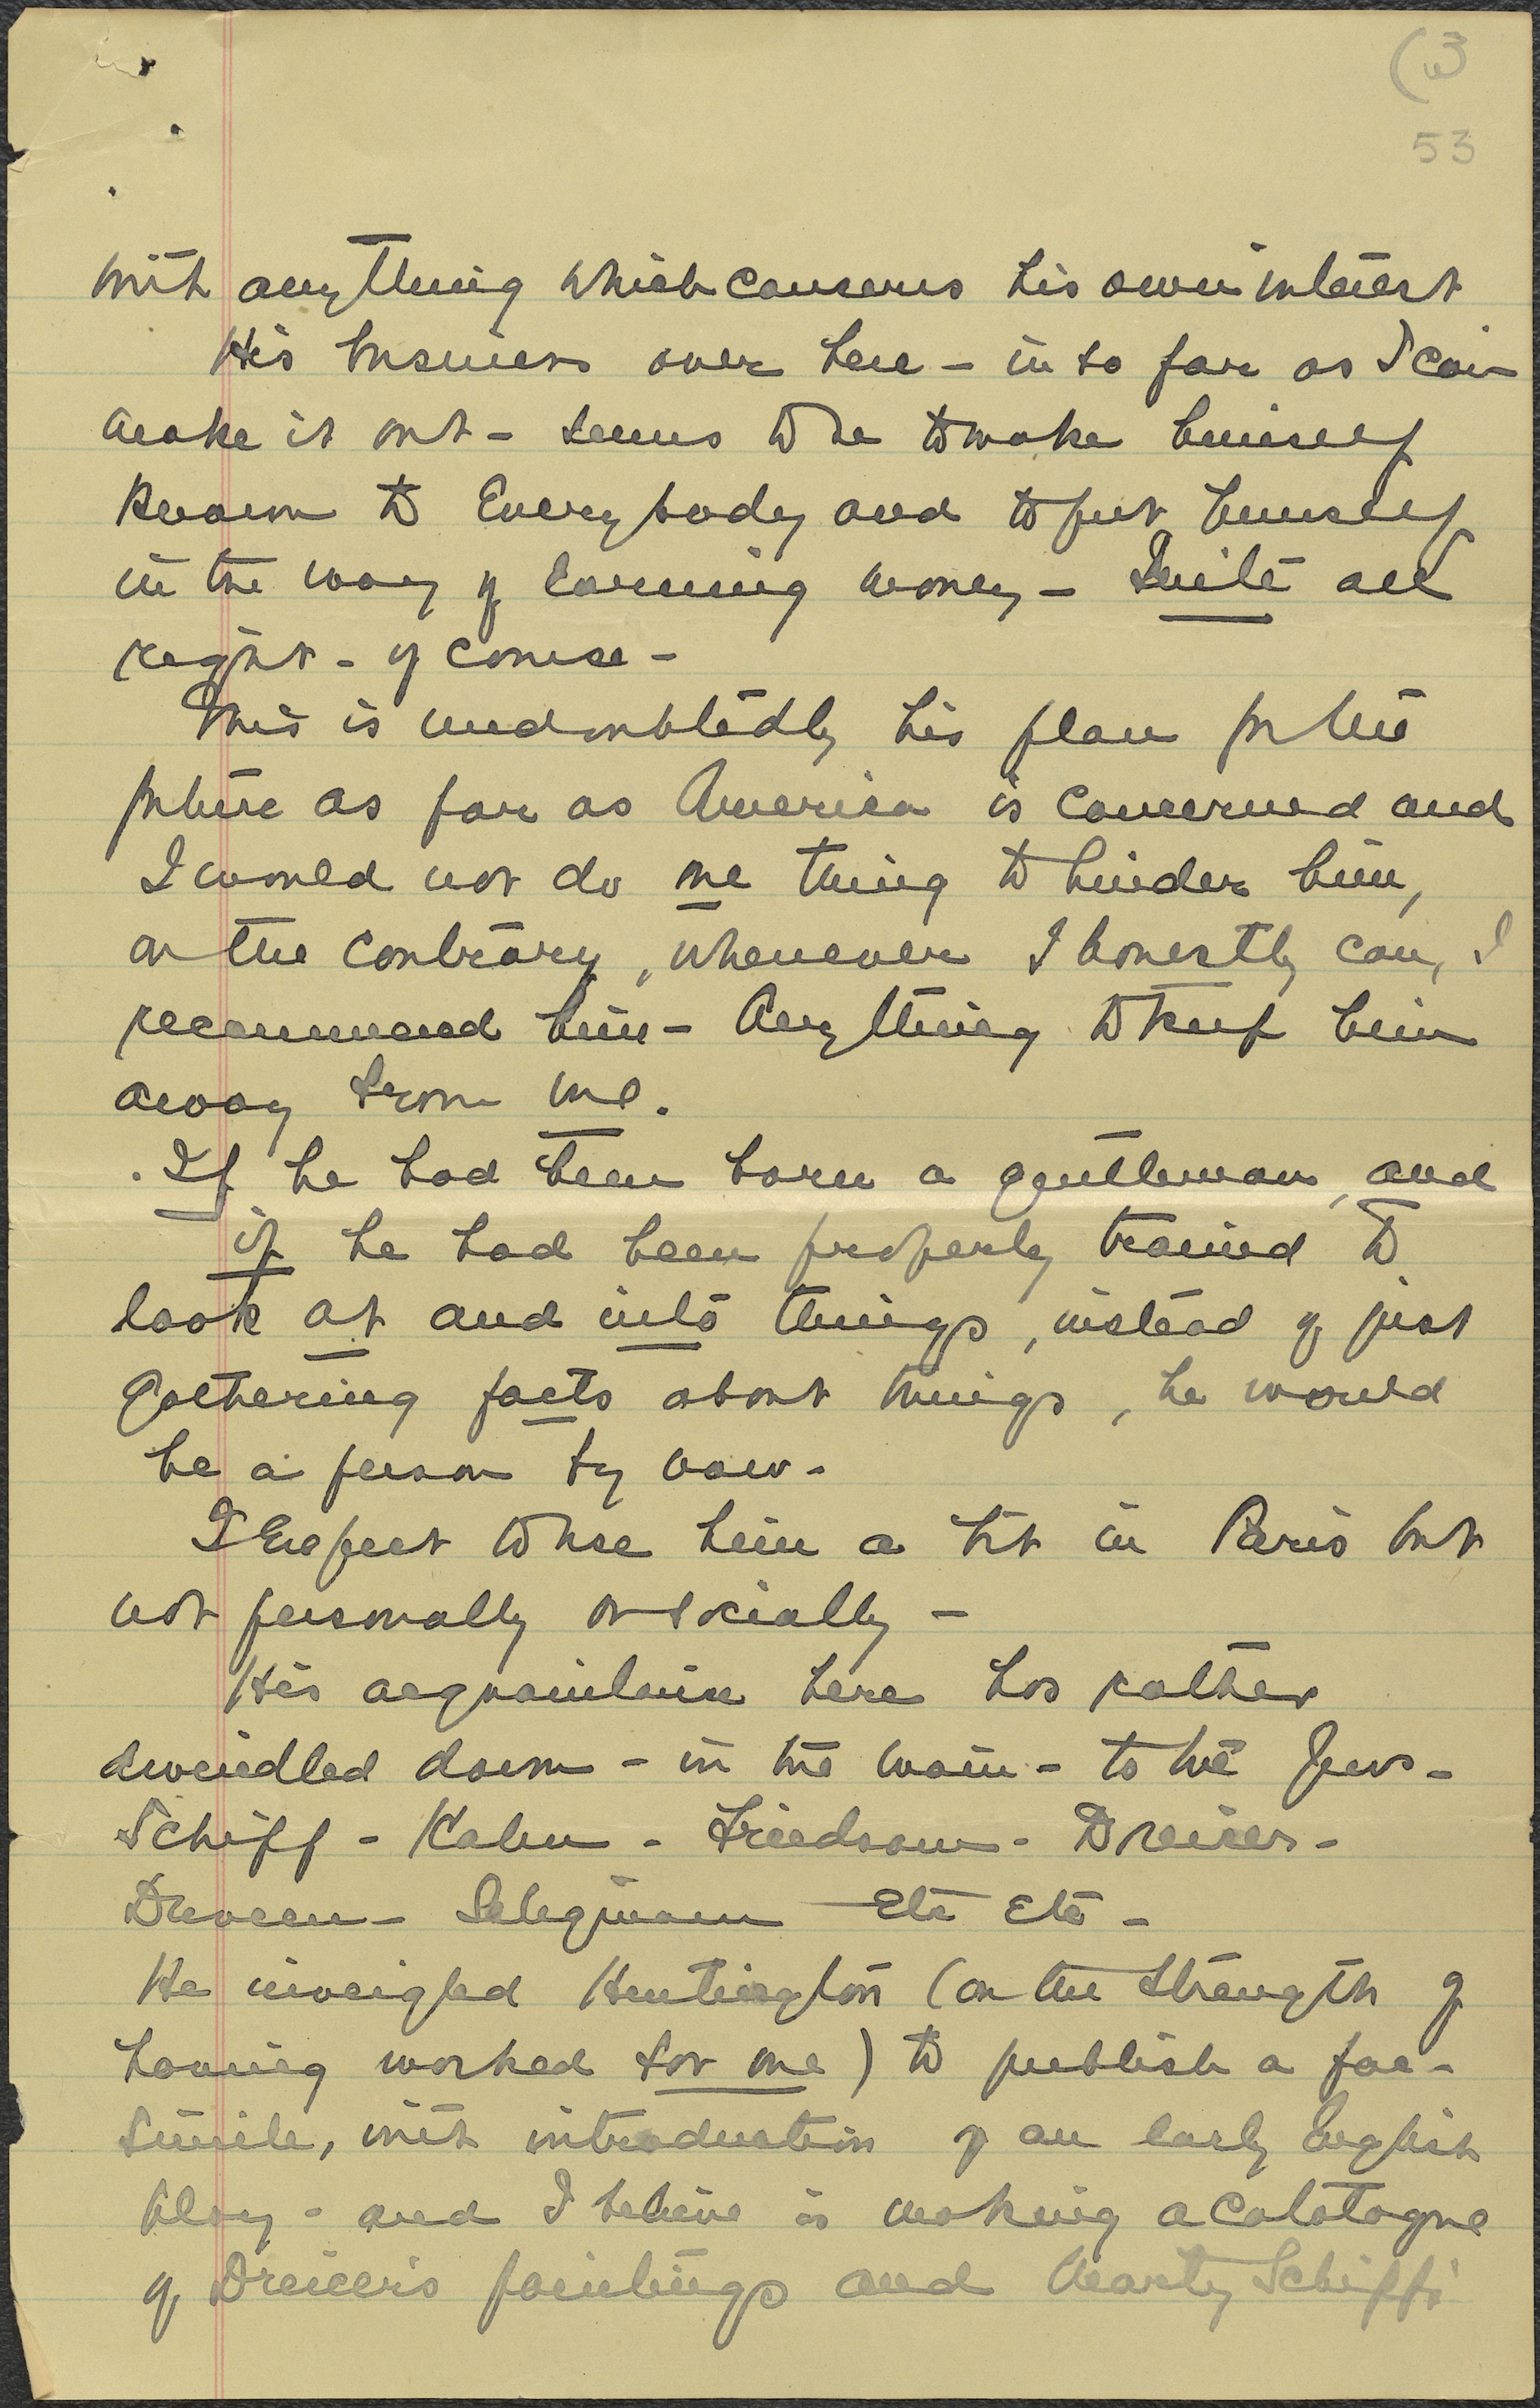with anything which concerns his own interest.
His business over here – in so far as I can make it out – seems to be to make himself known to everybody and to put himself in the way of earning money – Quite all right – of course –
This is undoubtedly his plan for the future as far as America is concerned and I would not do one thing to hinder him, on the contrary, whenever I honestly can, I recommend him – Anything to keep him away from me.
If he had been born a gentleman, and if he had been properly trained to look at and into things, instead of just gathering facts about things, he would be a person by now.
I expect to use him a bit in Paris but not personally or socially –
His acquaintance here has rather dwindled down – in the main – to the Jews – Schiff – Kahn – Friedman – Dreicer – Duveen – Seligmann etc etc –
He inveighed Huntington (on the strength of having worked for me) to publish a facsimile, with introduction of an early English play – and I believe is making a catalogue of Dreicer's paintings and Marty Schiff's